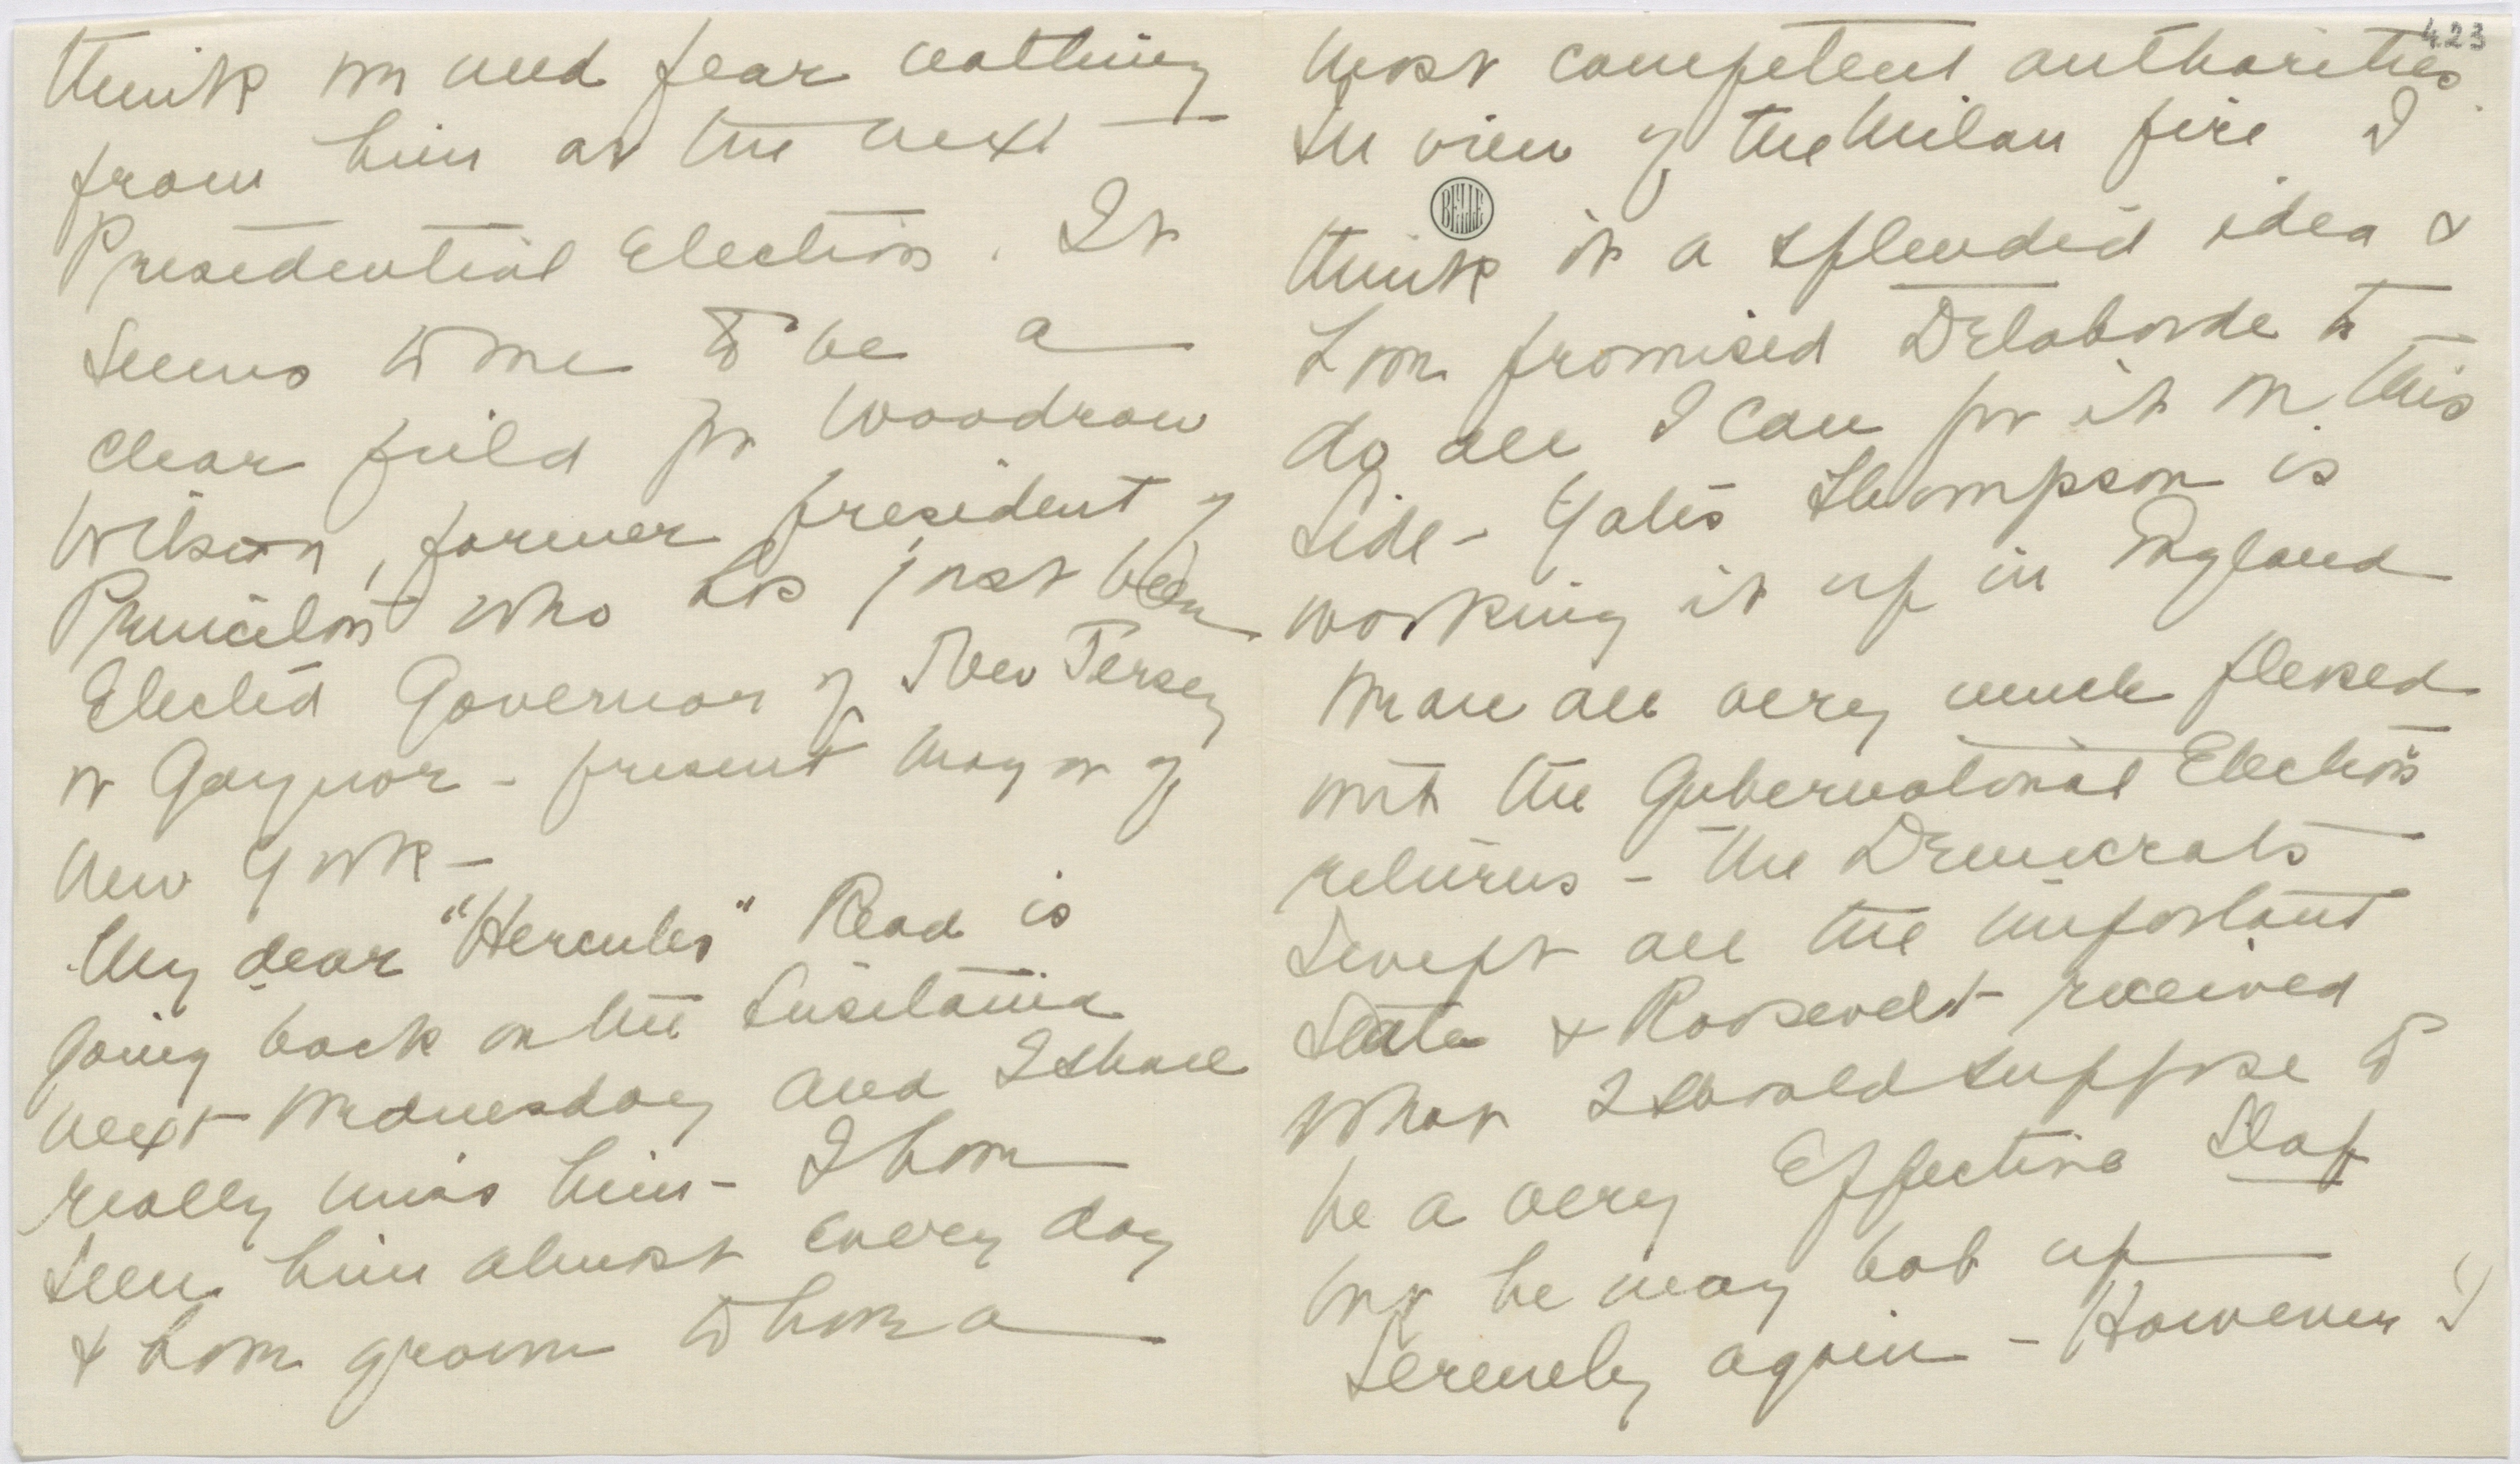most competent authorities. In view of the Milan fire I think it a splendid idea & have promised Delaborde to do all I can for it on this side – Yates Thompson is working it up in England –
We are all very much pleased with the Gubernatorial Election returns – The Democrats swept all the important seats & Roosevelt received what I should suppose to be a very effective slap but he may bob up
Serenely again – However I
think we need fear nothing from him or the next Presidential Election. It seems to me to be a clear field for Woodrow Wilson, former president of Princeton who has just been Elected Governor of New Jersey or Gaynor – present Mayor of New York –
My dear “Hercules” Read is going back on the Lusitania next Wednesday and I shall really miss him – I have seen him almost every day & have grown to have a